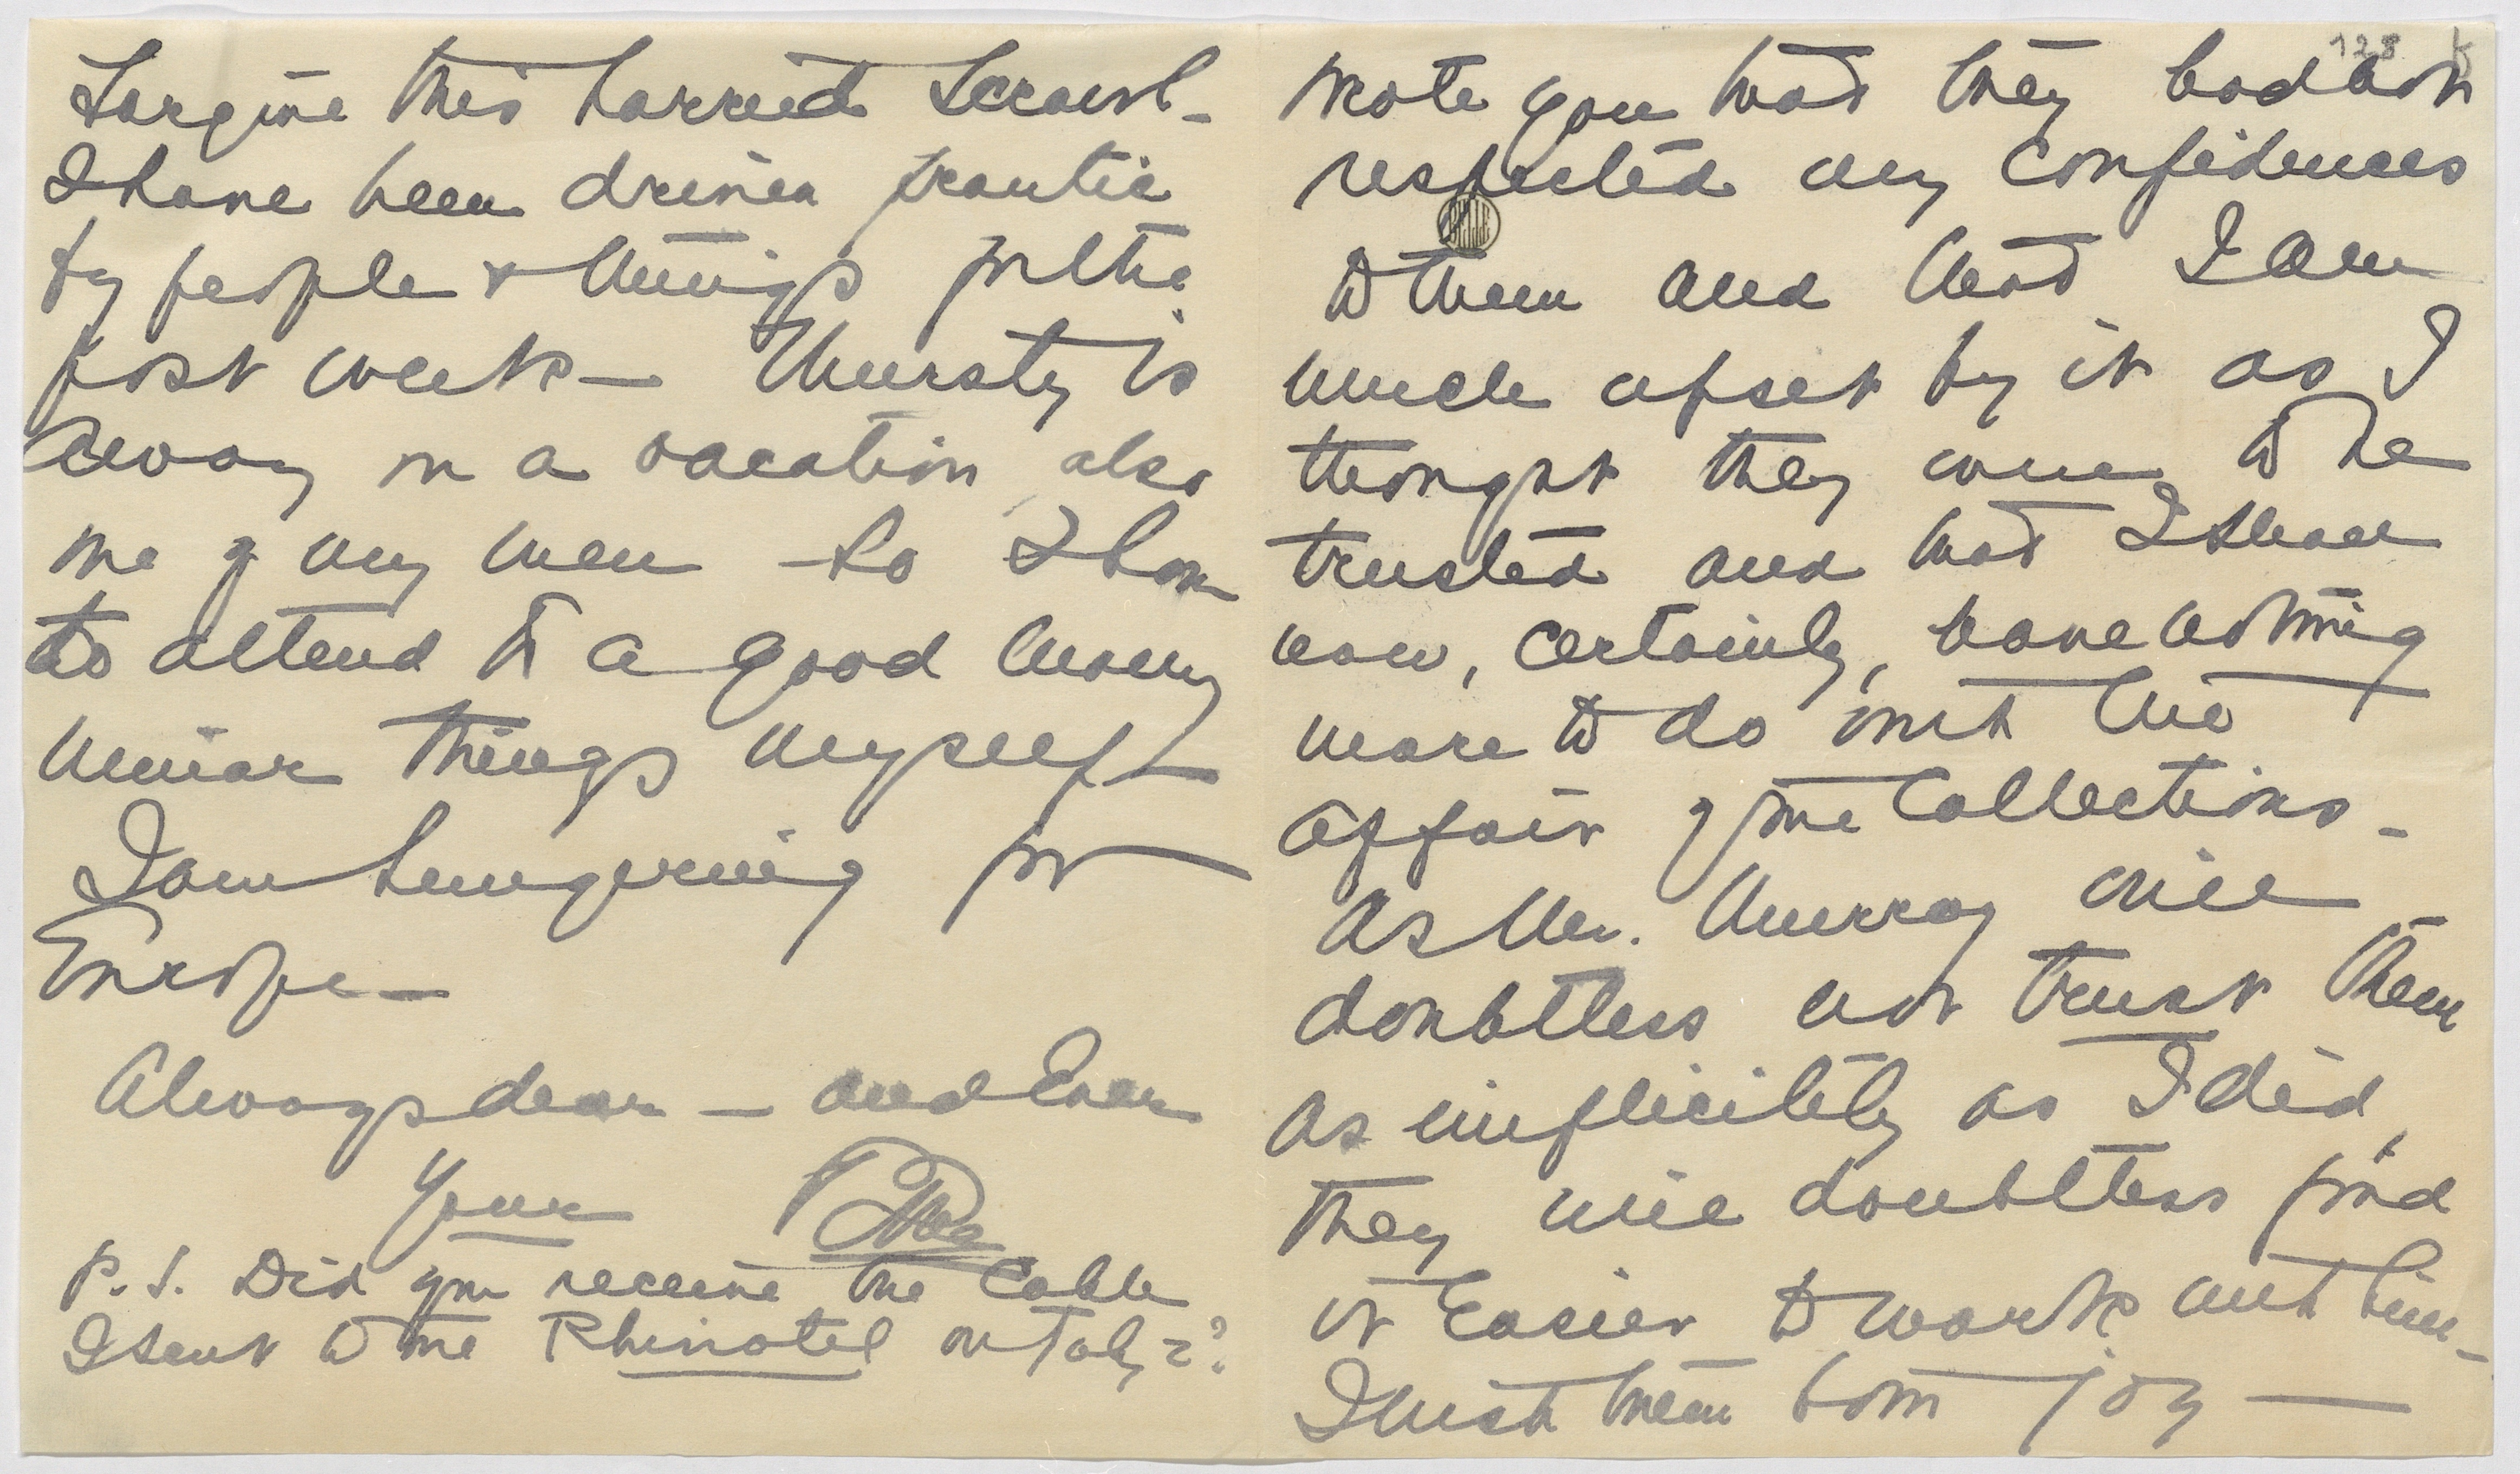wrote you that they had not respected my confidences to them and that I am much upset by it as I thought they were to be trusted and that I shall now, certainly, have nothing more to do with the affair of the collections – as Mr. Murray will doubtless not trust them as implicitely [sic] as I did they will doubtless find it easier to work with him – I wish them both joy –
Forgive this horrid scrawl – I have been driven frantic by people & things for the past week – Thursty is away on a vacation also one of my men – so I have to attend to a good many minor things myself – I am hungering for Europe –
Always dear – and Ever
Your Belle
P.S. Did you receive the cable I sent to the Rhinotel on July 2?